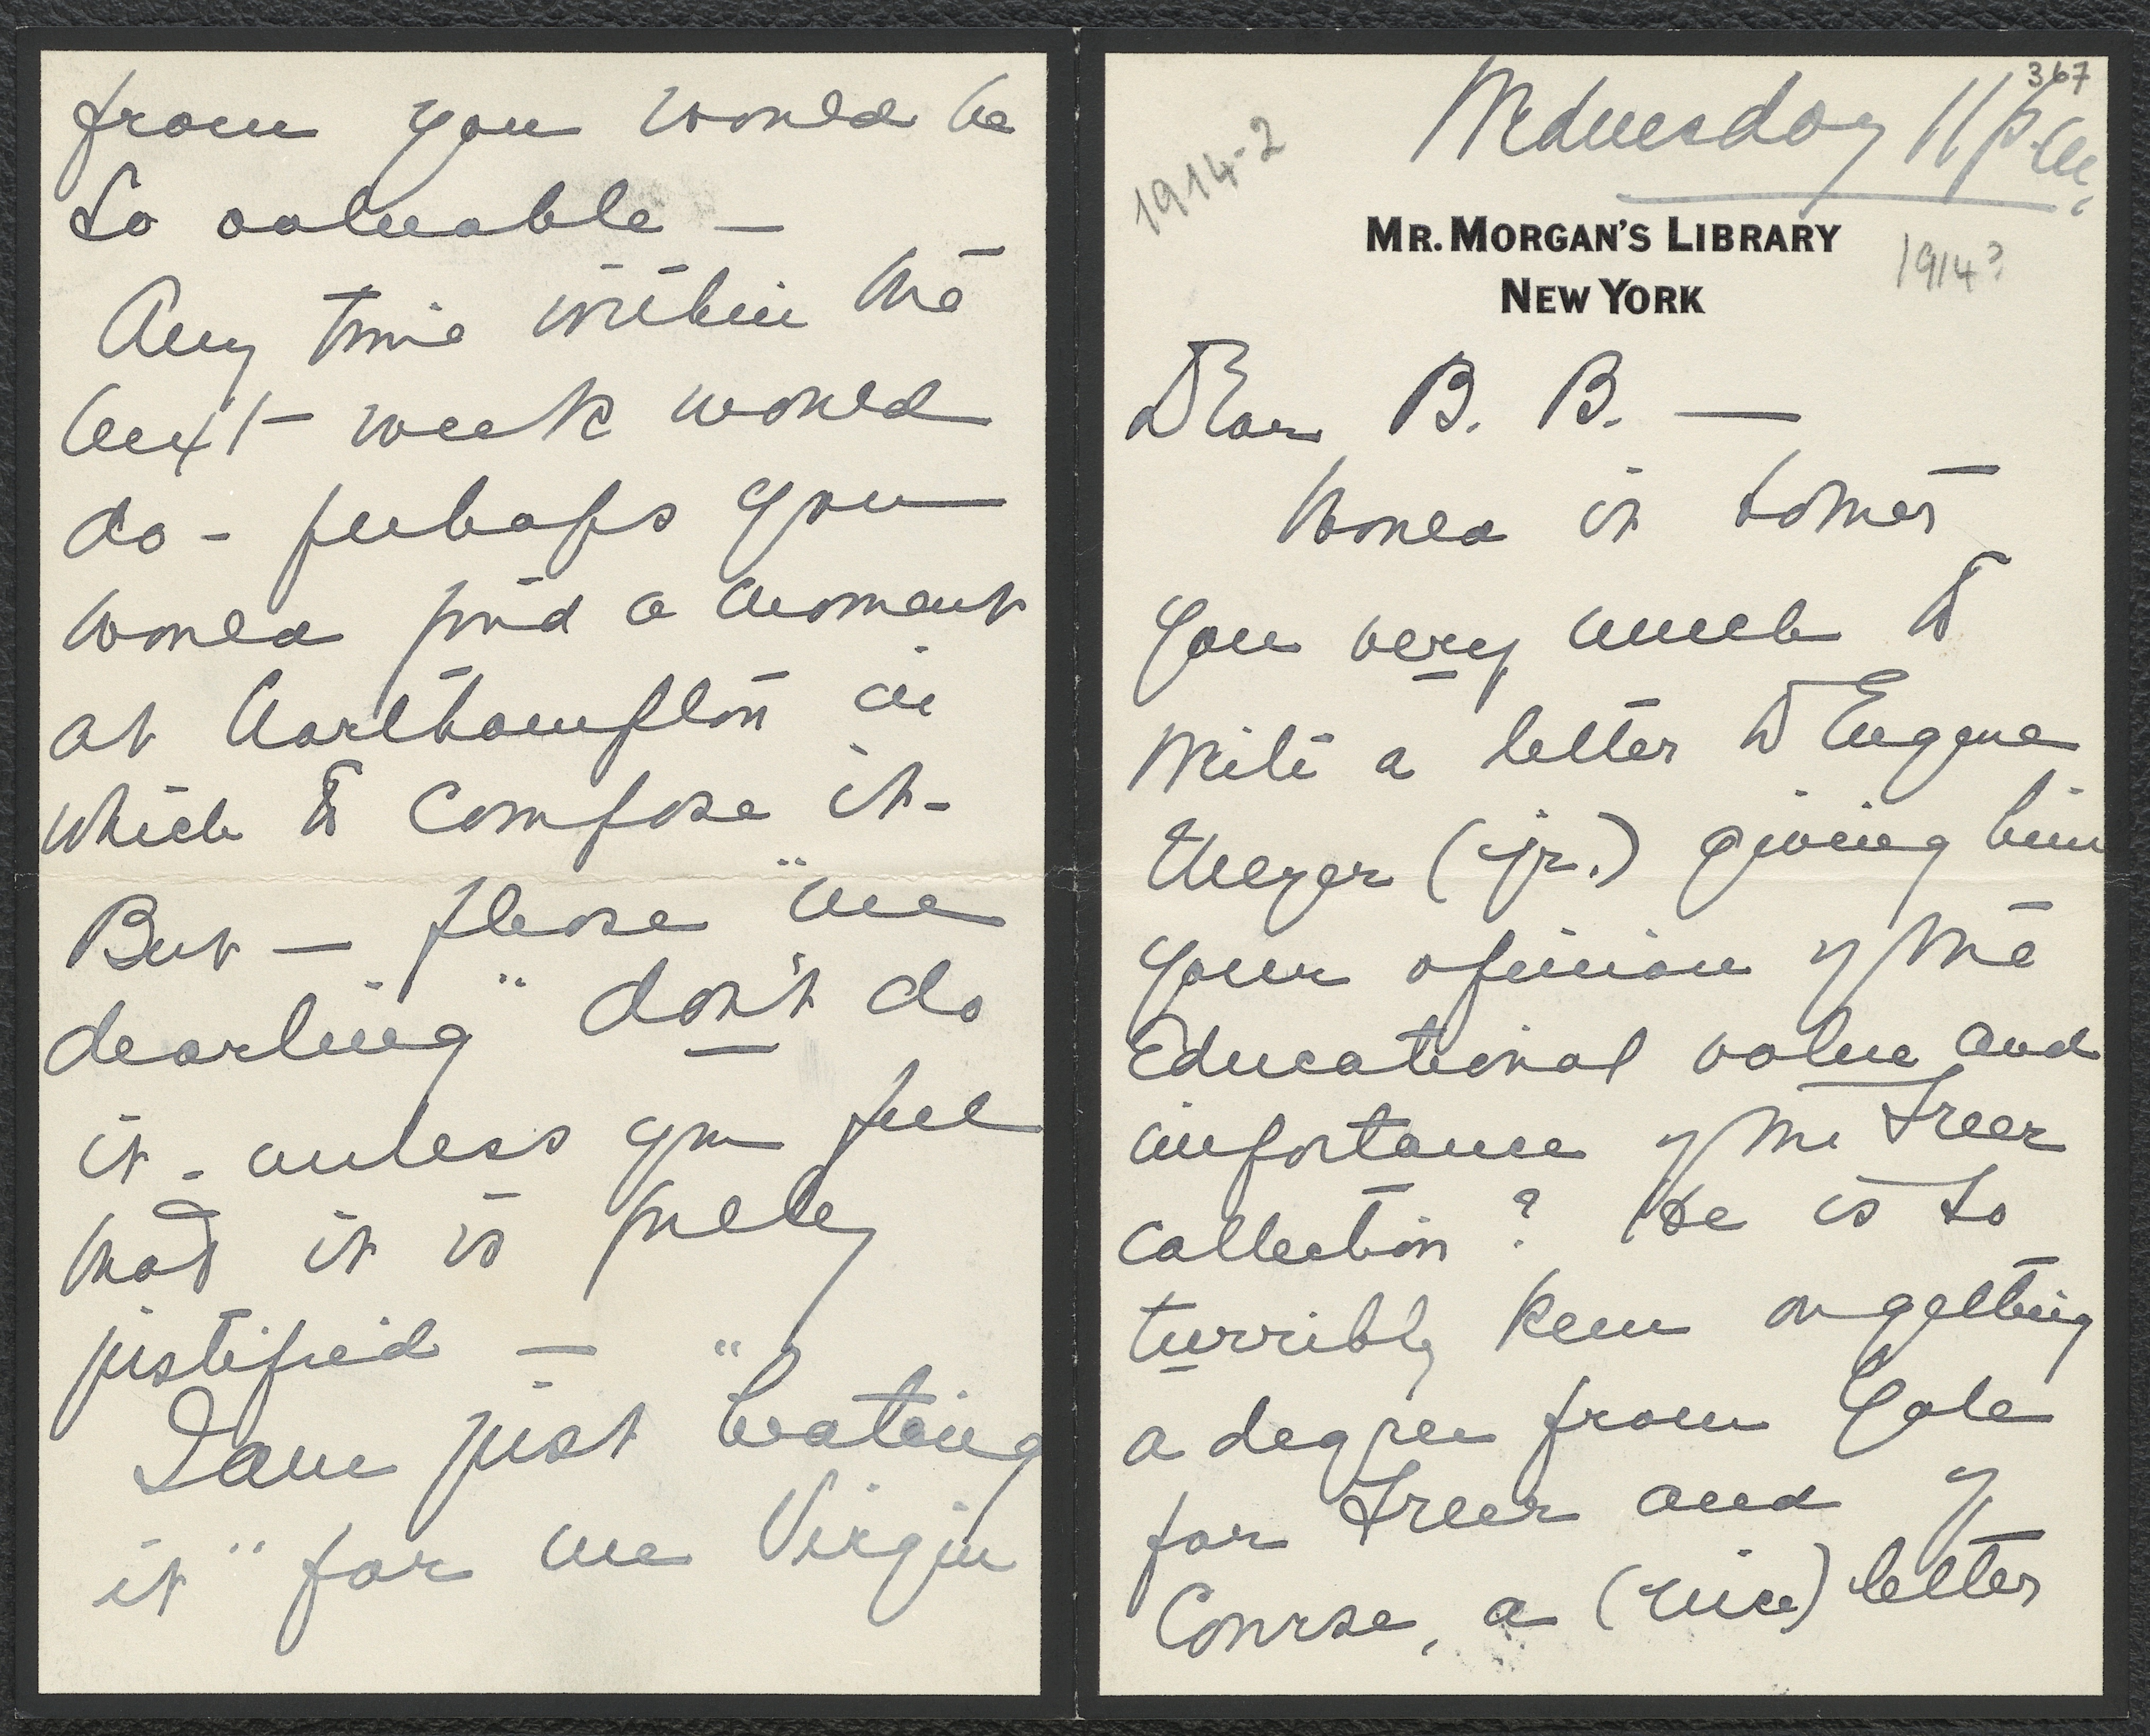Wednesday 11 p.m.
Dear B. B. -
Would it bother you very much to write a letter to Eugene Meyer (jr.) giving him your opinion of the Educational value and importance of the Freer collection? He is so turribly keen on getting a degree from Yale for Freer and of course, a (nice) letter
from you would be so valuable –
Any time within the next week would do – perhaps you would find a moment at Northampton in which to compose it –
But – please “me dearling” don't do it – unless you feel that it is fully justified –
I am just “beating it” for me Virgin